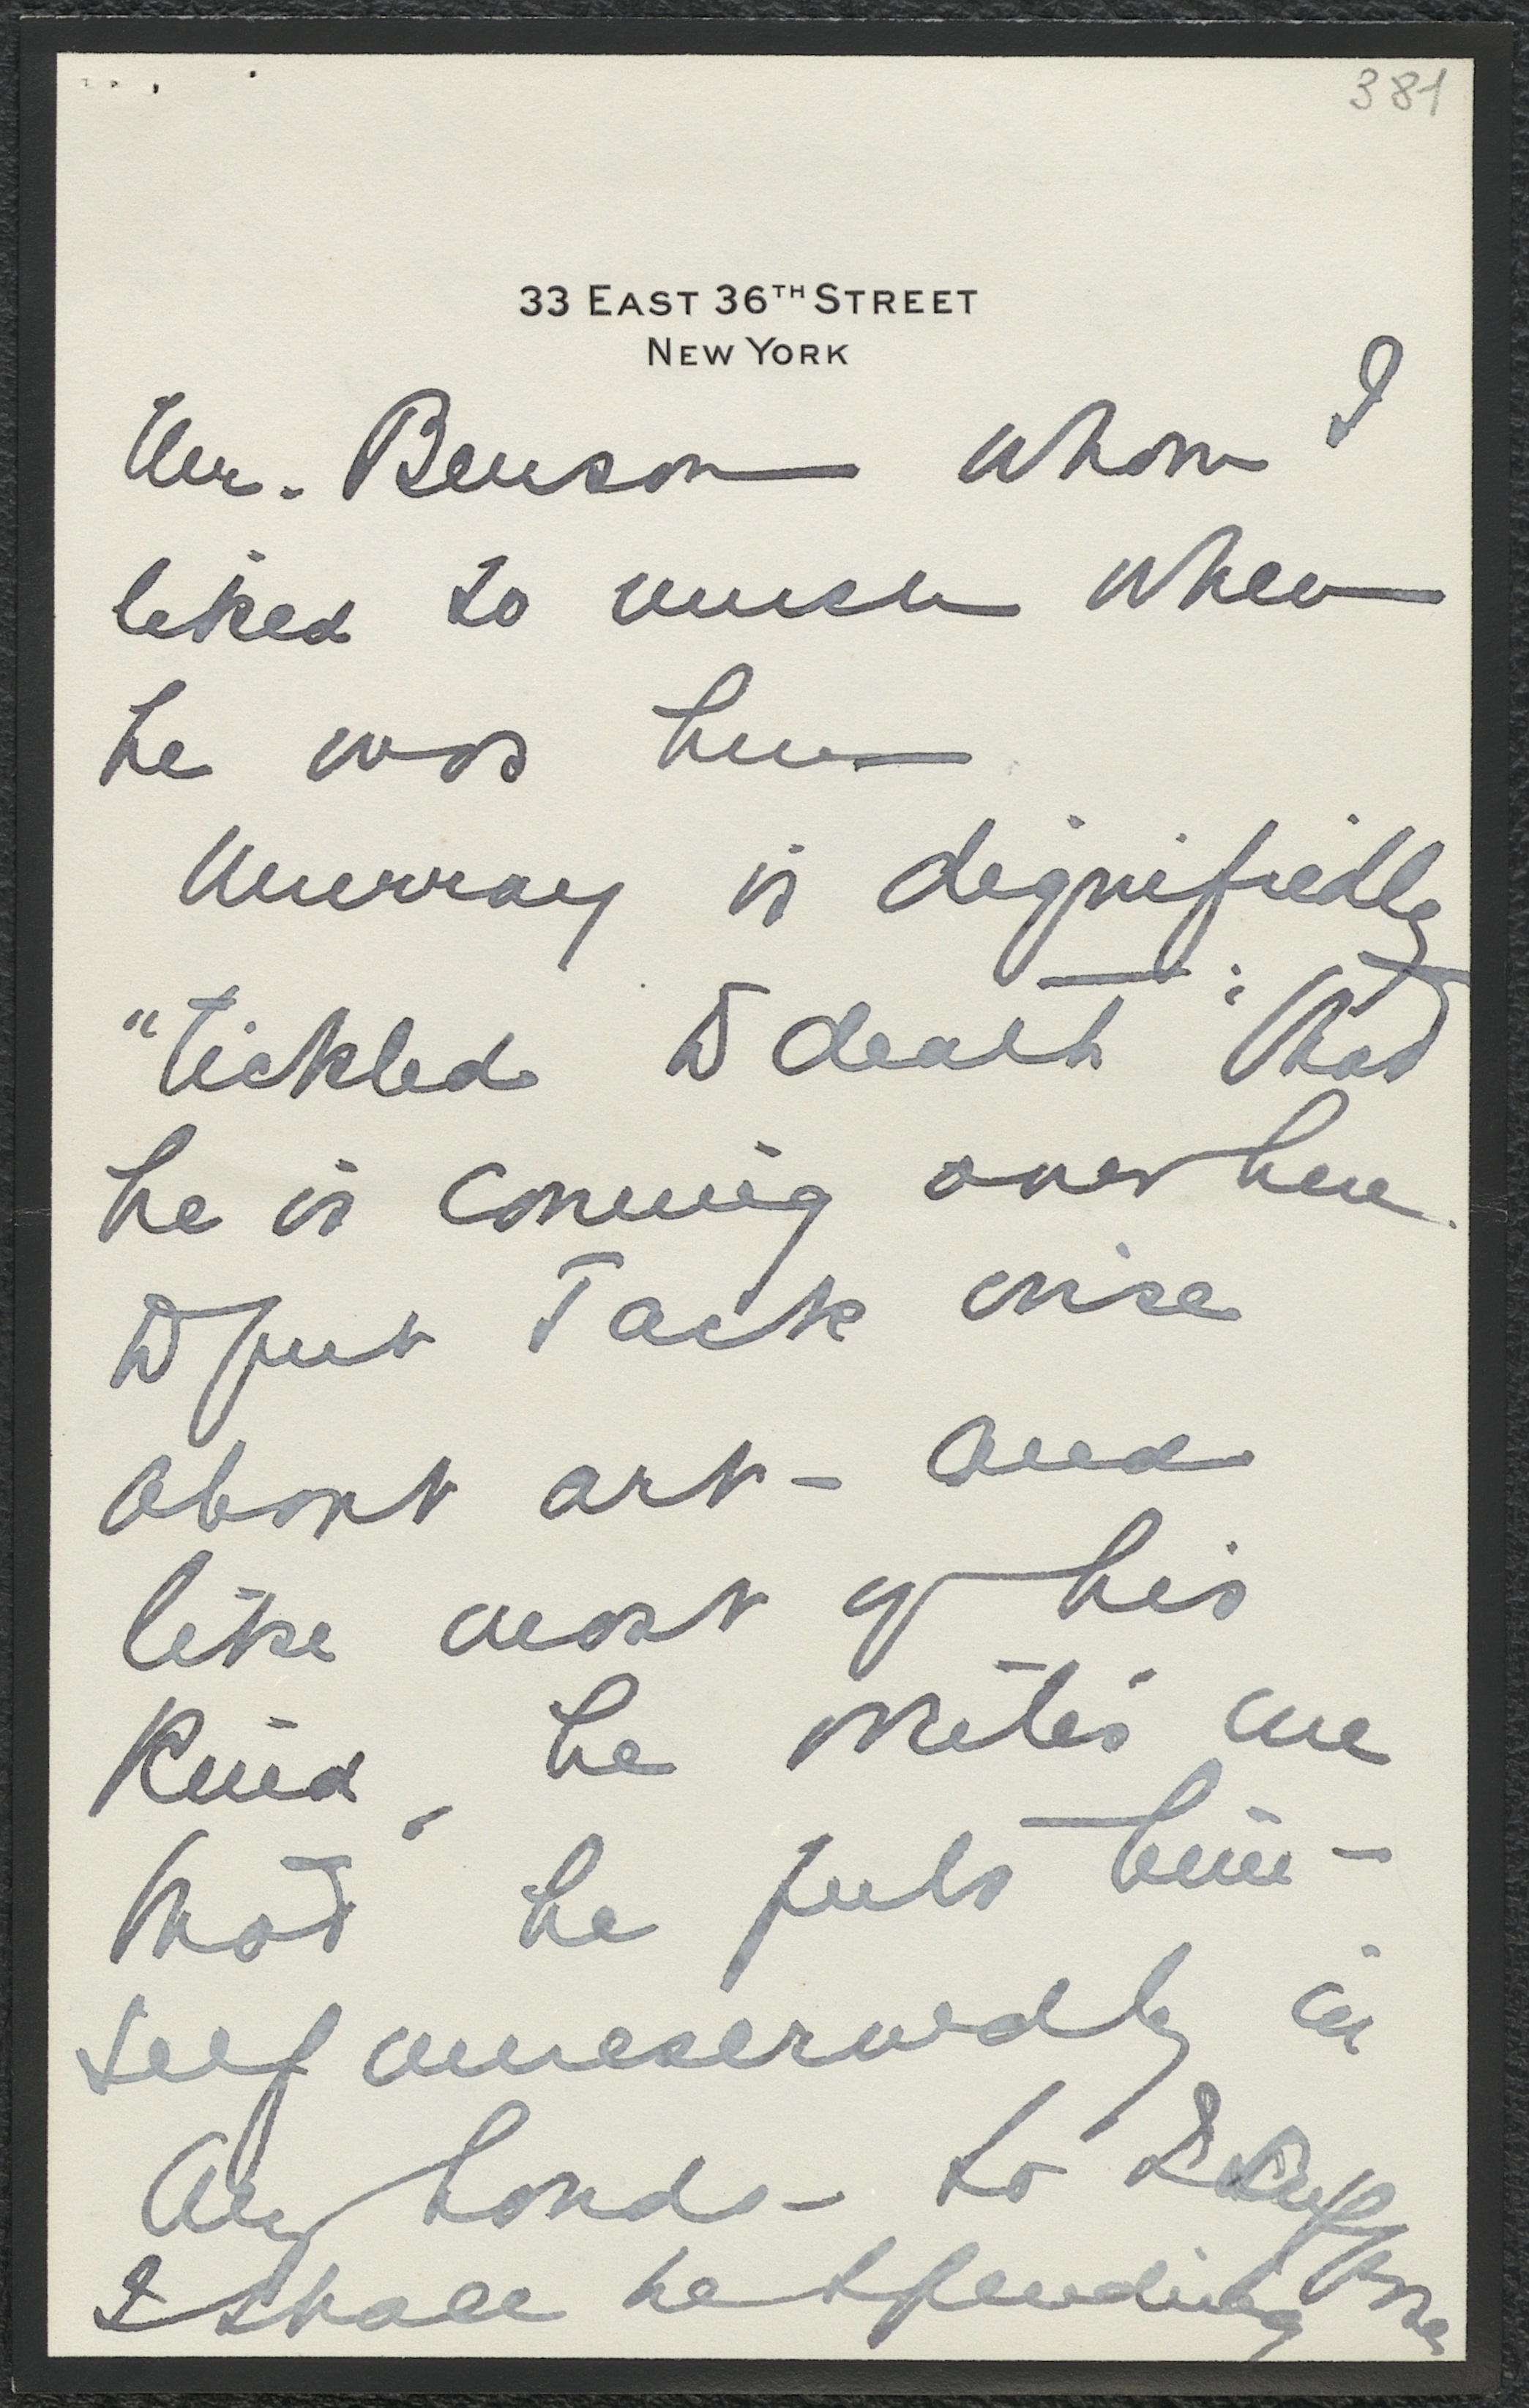Mr. Benson whom I liked so much when he was here –
Murray is dignifiedly “tickled to death” that he is coming over here to put Jack wise about art – and like most of his kind, he writes me that he puts himself unreservedly in my hands – so I suppose I shall be spending